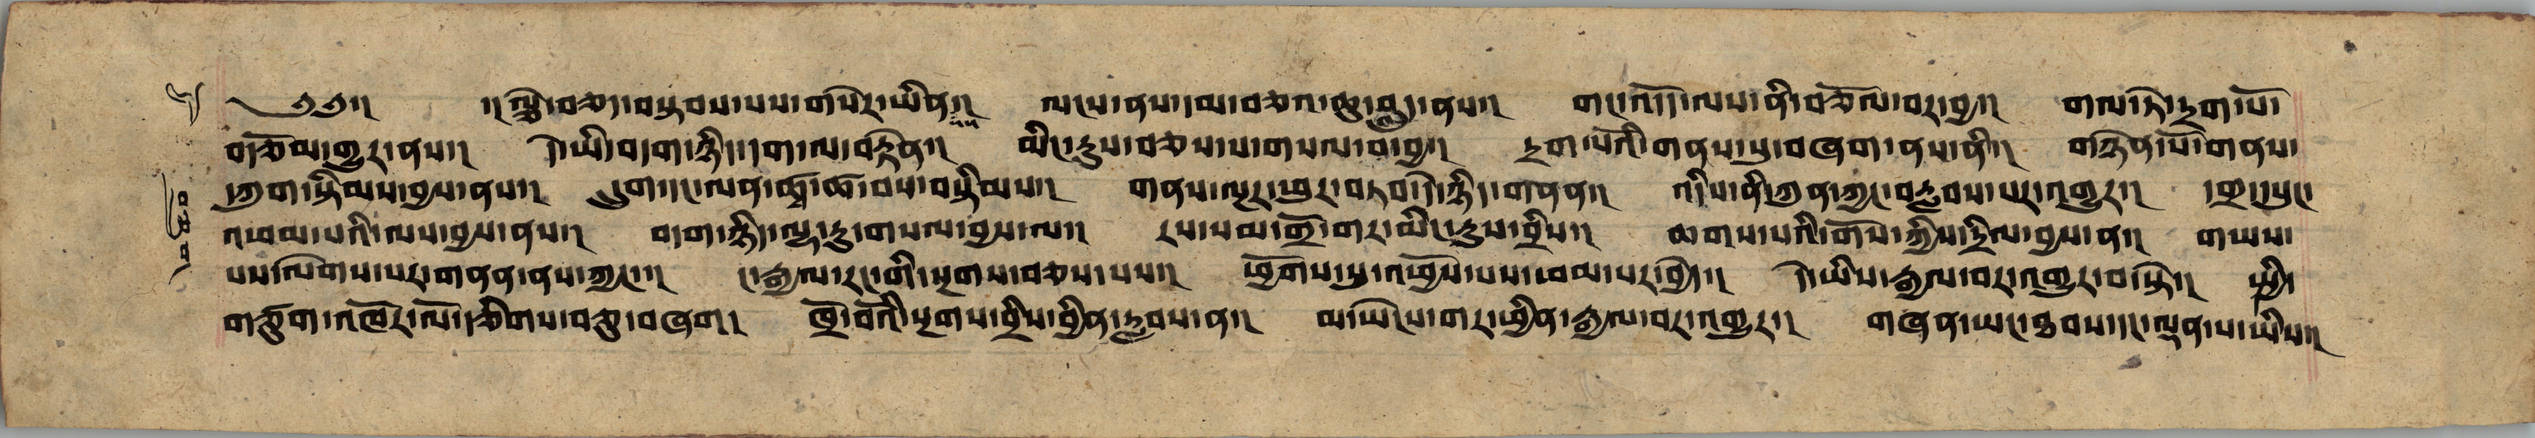༄༅་། ་།ལྕེ་བཅད་བསྟབས་པས་གསེར་ཡིན་པས་། ལངས་ནས་དམ་བཅའ་ཆུ་བླུད་ནས་། གང་འདོད་ལས་ནི་བཅོལ་བར་བྱ་། གལ་ཏེ་དྲག་པོ་
བརྩོམ་གྱུར་ནས་། དེ་ཡི་བདག་ཉིད་དག་ལ་བརྟེན་། མིང་རུས་བཅས་པ་གསལ་བ་བྱ་། དྲག་པོའི་གནས་སུ་བཞག་ནས་ནི་། གཉེན་པོ་གནས་
དཀུག་སྟིམས་བྱས་ནས་། དྲུག་དང་ལན་ཚྭ་ཚ་བས་བསྟིམས་། གནས་ལྔར་ཕུར་བཏབ་དེ་ཉིད་གནན་། འདིས་ནི་ཀུན་ཀྱང་བརླབས་པར་འགྱུར་། དགྲ་དཔུང་
འཕམ་པའི་ལས་བྱས་ནས་། བདག་ཉིད་ལྷ་རུ་གསལ་བྱས་ལ་། རས་སམ་གྲོ་གར་མིང་རུས་བྲིས་། ཆགས་པའི་གོས་ཀྱིས་དྲིལ་བྱས་ན་། གཡས་
པས་ལེགས་པར་གནན་ནས་ཀྱང་་། ང་རྒྱལ་རང་གི་སྔགས་བཅས་པས་། ཕྱོགས་སུ་འཕྱོས་པས་ཕམ་པར་བྱེད་། དེ་ཡིས་རྒྱལ་བར་འགྱུར་བ་སྟེ་། སྤྱི་
གཙུག་འཁོར་ལོ་རྩིགས་བཅུ་བཞག། ཁྲོ་བོའི་སྔགས་བྲིས་བྱིན་རླབས་ན་། མ་ཡེངས་གར་ཕྱིན་རྒྱལ་བར་འགྱུར་། གཞན་ཡང་ཐབས་དང་ལྡན་པ་ཡིས་།